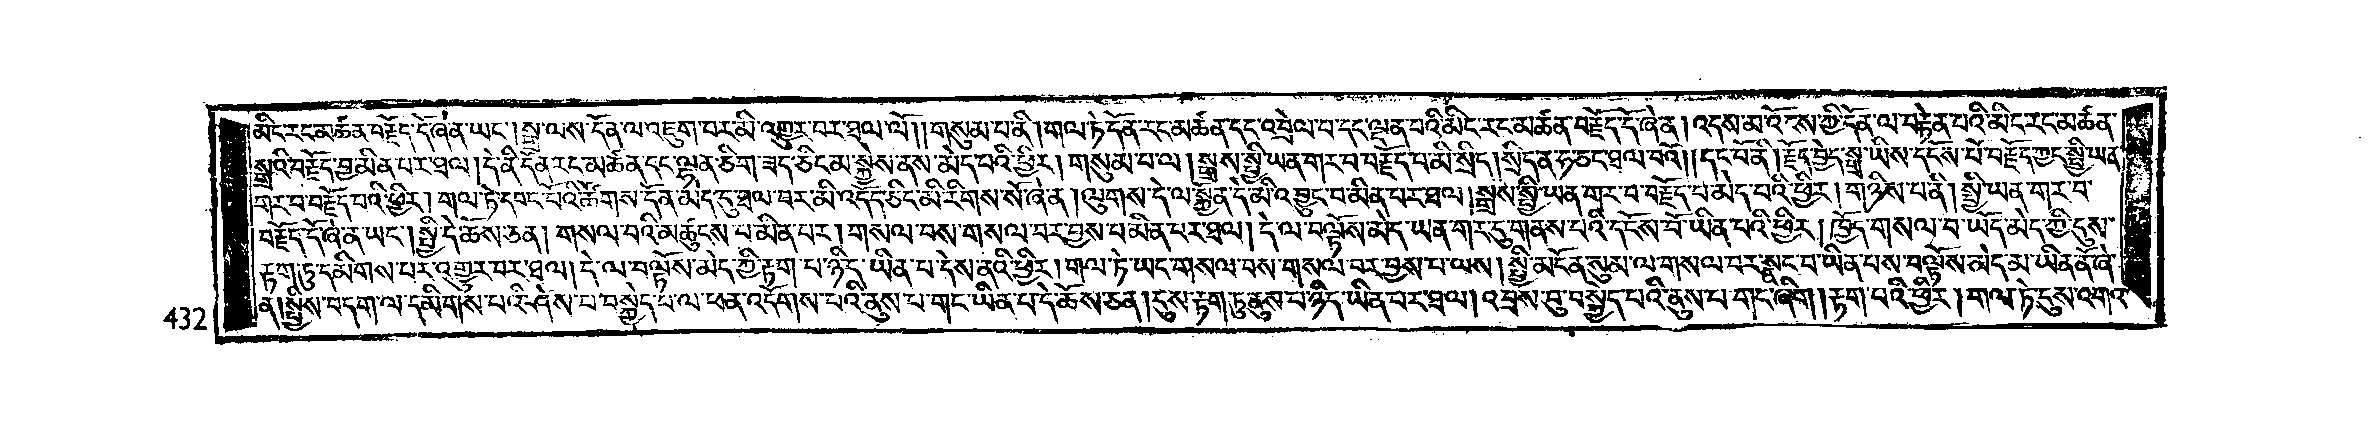མིང་རང་མཚན་བརྗོད་དོ་ཞེ་ན་ཡང་། སྒྲ་ལས་དོན་ལ་འཇུག་པར་མི་འགྱུར་བར་ཐལ་ལོ། །གསུམ་པ་ནི། གལ་ཏེ་དོན་རང་མཚན་དང་འབྲེལ་པ་དང་ལྡན་པའི་མིང་རང་མཚན་བརྗོད་དོ་ཞེ་ན། འདས་མ་འོངས་ཀྱི་དོན་ལ་བརྟེན་པའི་མིང་རང་མཚན་
སྒྲའི་བརྗོད་བྱ་མིན་པར་ཐལ། དེ་ནི་དོན་རང་མཚན་དང་ལྷན་ཅིག་ཟད་ཅིང་མ་སྐྱེས་ནས་མེད་པའི་ཕྱིར། གསུམ་པ་ལ། སྒྲས་སྤྱི་ཡན་གར་བ་བརྗོད་པ་མི་སྲིད། སྲིད་ན་ཧ་ཅང་ཐལ་བའོ། །དང་པོ་ནི། རྗོད་བྱེད་སྒྲ་ཡིས་དངོས་པོ་བརྗོད་ཀྱང་སྤྱི་ཡན་
གར་བ་བརྗོད་པའི་ཕྱིར། གལ་ཏེ་དབང་པོའི་ཚོགས་དོན་མེད་དུ་ཐལ་བར་མི་འདོད་ཅིང་མི་རིགས་སོ་ཞེ་ན། ལུགས་དེ་ལ་སྐྱོན་དེ་མི་འབྱུང་བ་མིན་པར་ཐལ། སྒྲས་སྤྱི་ཡན་གར་བ་བརྗོད་པ་མེད་པའི་ཕྱིར། གཉིས་པ་ནི། སྤྱི་ཡན་གར་བ་
བརྗོད་དོ་ཞེ་ན་ཡང་། སྤྱི་དེ་ཆོས་ཅན། གསལ་བའི་མཚུངས་པ་མིན་པར། གསལ་བས་གསལ་བར་བྱས་པ་མིན་པར་ཐལ། དེ་ལ་བལྟོས་མེད་ཡན་གར་དུ་གནས་པའི་དངོས་པོ་ཡིན་པའི་ཕྱིར། ཁྱོད་གསལ་བ་ཡོད་མེད་ཀྱི་དུས་
རྟག་ཏུ་དམིགས་པར་འགྱུར་བར་ཐལ། དེ་ལ་བལྟོས་མེད་ཀྱི་རྟག་པ་ཉིད་ཡིན་པ་དེས་ནའི་ཕྱིར། གལ་ཏེ་ཡང་གསལ་བས་གསལ་བར་བྱས་པ་ལས། སྤྱི་མངོན་སུམ་ལ་གསལ་བར་སྣང་བ་ཡིན་པས་བལྟོས་མེད་མ་ཡིན་ནོ་ཞེ་
ན། སྤྱི་བདག་ལ་དམིགས་པའི་ཤེས་པ་བསྐྱེད་པ་ལ་ཕན་འདོགས་པའི་ནུས་པ་གང་ཡིན་པ་དེ་ཆོས་ཅན། དུས་རྟག་ཏུ་ནུས་པ་ཉིད་ཡིན་པར་ཐལ། འབྲས་བུ་བསྐྱེད་པའི་ནུས་པ་གང་ཞིག། རྟག་པའི་ཕྱིར། གལ་ཏེ་དུས་འགའ་